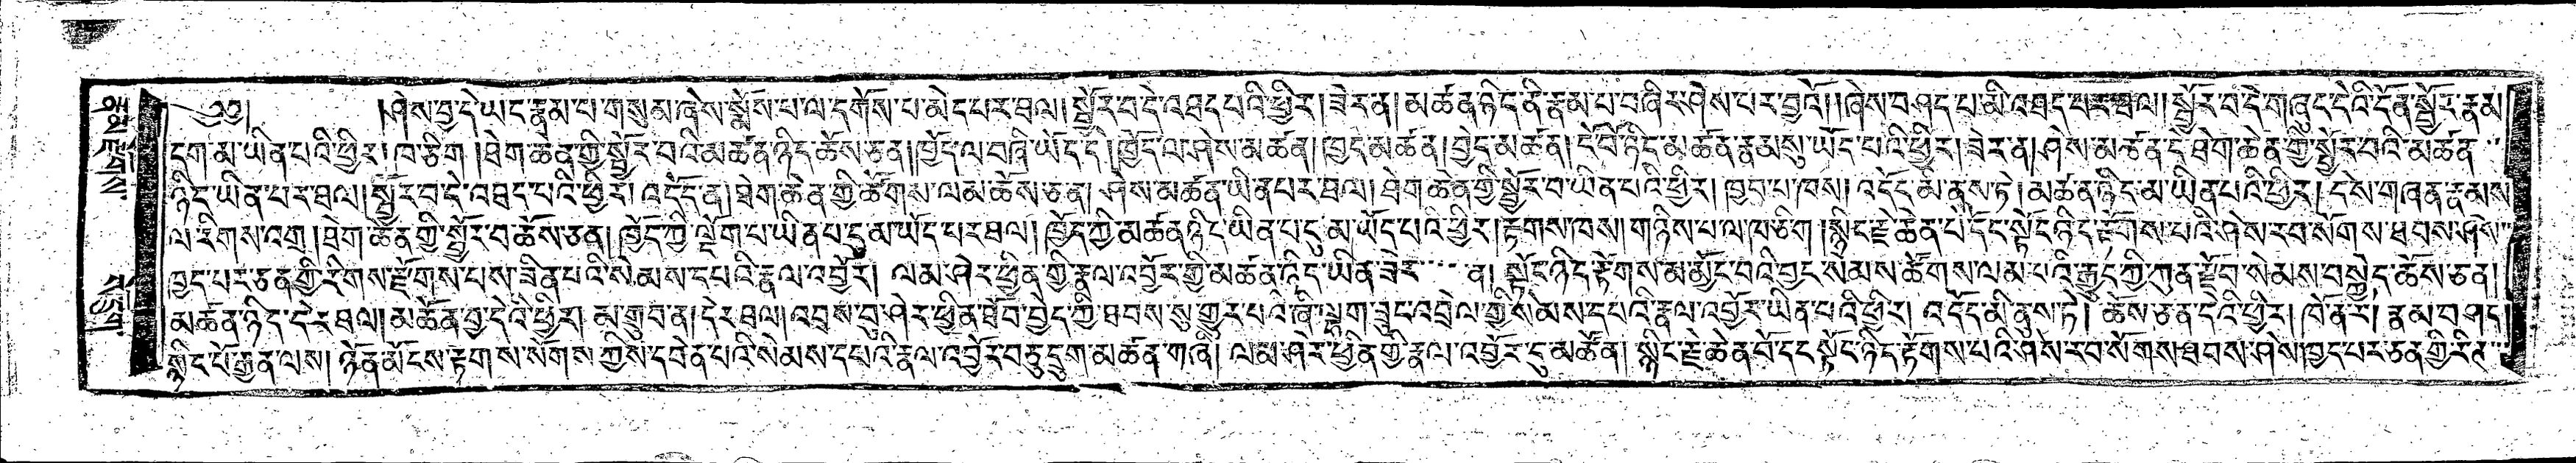༄༅། །ཤེས་བྱ་དེ་ཡང་རྣམ་པ་གསུམ་ཞེས་སྨོས་པ་ལ་དགོས་པ་མེད་པར་ཐལ། སྦྱོར་བ་དེ་འཐད་པའི་ཕྱིར། ཟེར་ན། མཚན་ཉིད་ནི་རྣམ་པ་བཞིར་ཤེས་པར་བྱའོ། །ཞེས་བཤད་པ་མི་འཐད་པར་ཐལ། སྦྱོར་བ་དེ་གཞུང་དེའི་དོན་སྦྱོར་རྣམ་
དག་མ་ཡིན་པའི་ཕྱིར། ཁ་ཅིག །ཐེག་ཆེན་གྱི་སྦྱོར་བའི་མཚན་ཉིད་ཆོས་ཅན། ཁྱོད་ལ་བཞི་ཡོད་དེ། ཁྱོད་ལ་ཤེས་མཚན། ཁྱད་མཚན། བྱེད་མཚན། ངོ་བོ་ཉིད་མཚན་རྣམས་སུ་ཡོད་པའི་ཕྱིར། ཟེར་ན། ཤེས་མཚན་དེ་ཐེག་ཆེན་གྱི་སྦྱོར་བའི་མཚན་
ཉིད་ཡིན་པར་ཐལ། སྦྱོར་བ་དེ་འཐད་པའི་ཕྱིར། འདོད་ན། ཐེག་ཆེན་གྱི་ཚོགས་ལམ་ཆོས་ཅན། ཤེས་མཚན་ཡིན་པར་ཐལ། ཐེག་ཆེན་གྱི་སྦྱོར་བ་ཡིན་པའི་ཕྱིར། ཁྱབ་པ་ཁས། འདོད་མི་ནུས་ཏེ། མཚན་ཉིད་མ་ཡིན་པའི་ཕྱིར། དེས་གཞན་རྣམས་
ལ་རིགས་འགྲེ། ཐེག་ཆེན་གྱི་སྦྱོར་བ་ཆོས་ཅན། ཁྱོད་ཀྱི་ལྡོག་པ་ཡིན་པ་དུ་མ་ཡོད་པར་ཐལ། ཁྱོད་ཀྱི་མཚན་ཉིད་ཡིན་པ་དུ་མ་ཡོད་པའི་ཕྱིར། རྟགས་ཁས། གཉིས་པ་ལ་ཁ་ཅིག །སྙིང་རྗེ་ཆེན་པོ་དང་སྟོང་ཉིད་རྟོགས་པའི་ཤེས་རབ་སོགས་ཐབས་ཤེས་
ཁྱད་པར་ཅན་གྱི་རིགས་རྫོགས་པས་ཟིན་པའི་སེམས་དཔའི་རྣལ་འབྱོར། ལམ་ཤེར་ཕྱིན་གྱི་རྣལ་འབྱོར་གྱི་མཚན་ཉིད་ཡིན་ཟེར་ན། སྟོང་ཉིད་རྟོགས་མ་མྱོང་བའི་བྱང་སེམས་ཚོགས་ལམ་པའི་རྒྱུད་ཀྱི་ཀུན་རྫོབ་སེམས་བསྐྱེད་ཆོས་ཅན།
མཚན་ཉིད་དེར་ཐལ། མཚོན་བྱ་དེའི་ཕྱིར། མ་གྲུབ་ན། དེར་ཐལ། འབྲས་བུ་ཤེར་ཕྱིན་ཐོབ་བྱེད་ཀྱི་ཐབས་སུ་གྱུར་པའི་ཞི་ལྷག་ཟུང་འབྲེལ་གྱི་སེམས་དཔའི་རྣལ་འབྱོར་ཡིན་པའི་ཕྱིར། འདོད་མི་ནུས་ཏེ། ཆོས་ཅན་དེའི་ཕྱིར། ཁོ་ན་རེ། རྣམ་བཤད་
སྙིང་པོ་རྒྱན་ལས། ཉོན་མོངས་རྟགས་སོགས་ཀྱིས་དབེན་པའི་སེམས་དཔའི་རྣལ་འབྱོར་བཅུ་དྲུག་མཚན་གཞི། ལམ་ཤེར་ཕྱིན་གྱི་རྣལ་འབྱོར་དུ་མཚོན། སྙིང་རྗེ་ཆེན་པོ་དང་སྟོང་ཉིད་རྟོགས་པའི་ཤེས་རབ་སོགས་ཐབས་ཤེས་ཁྱད་པར་ཅན་གྱི་རིགས་